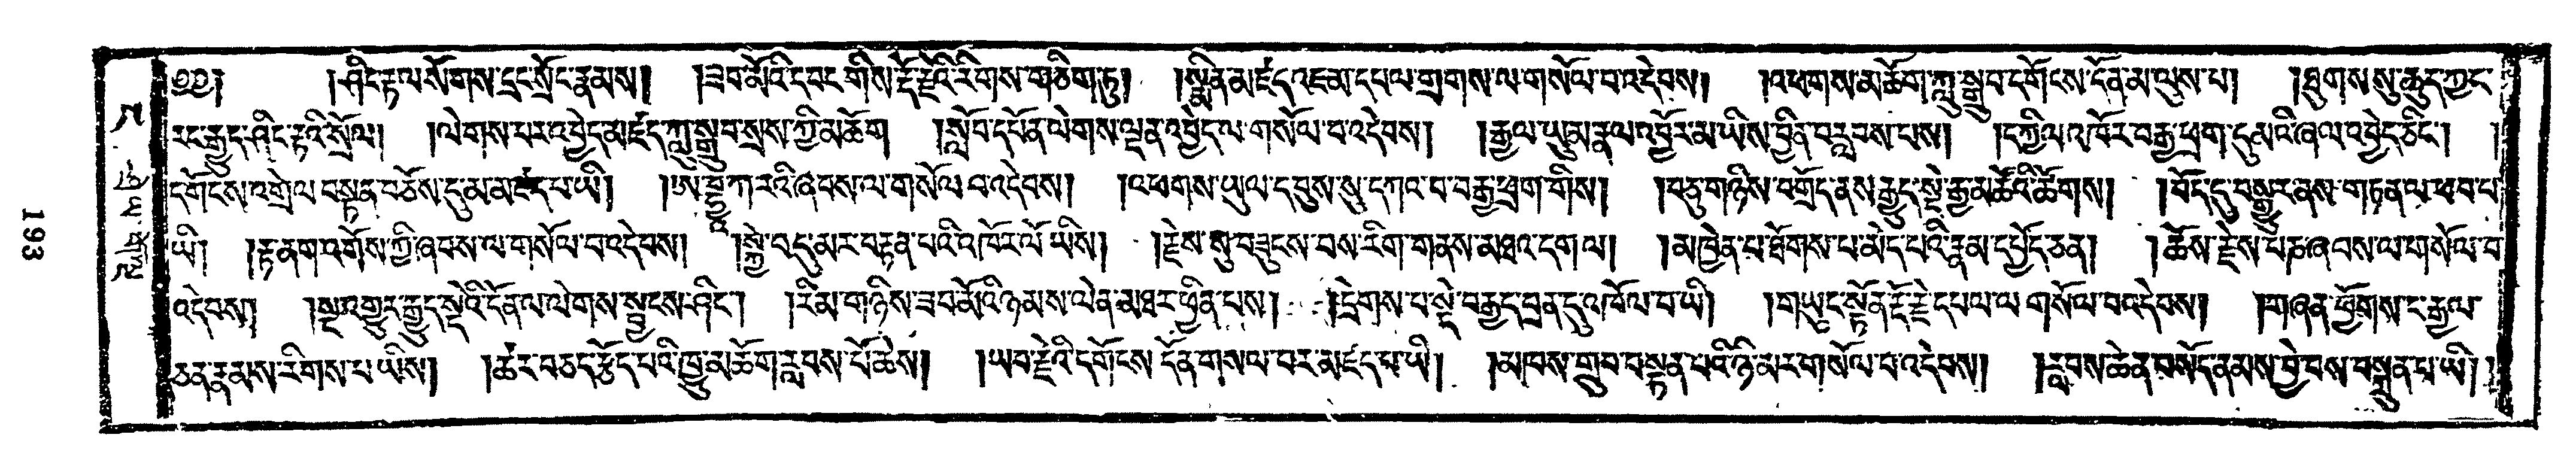༄༅། །ཤིང་རྟལ་སོགས་དྲང་སྲོང་རྣམས། །ཟབ་མོའི་དབང་གིས་རྡོ་རྗེའི་རིགས་གཅིག་ཏུ། །སྨིན་མཛད་འཇམ་དཔལ་གྲགས་ལ་གསོལ་བ་འདེབས། །འཕགས་མཆོག་ཀླུ་སྒྲུབ་དགོངས་དོན་མ་ལུས་པ། །ཐུགས་སུ་ཆུད་ཀྱང་
རང་རྒྱུད་ཤིང་རྟའི་སྲོལ། །ལེགས་པར་འབྱེད་མཛད་ཀླུ་སྒྲུབ་སྲས་ཀྱི་མཆོག །སློབ་དཔོན་ལེགས་ལྡན་འབྱེད་ལ་གསོལ་བ་འདེབས། །རྒྱལ་ཡུམ་རྣལ་འབྱོར་མ་ཡིས་བྱིན་བརླབས་པས། །དཀྱིལ་འཁོར་བརྒྱ་ཕྲག་དུ་མའི་ཞལ་འབྱེད་ཅིང་། །
དགོངས་འགྲེལ་བསྟན་བཅོས་དུ་མ་མཛད་པ་ཡི། །ཨ་བྷྱཱ་ཀ་རའི་ཞབས་ལ་གསོལ་བ་འདེབས། །འཕགས་ཡུལ་དབུས་སུ་དཀའ་བ་བརྒྱ་ཕྲག་གིས། །བཅུ་གཉིས་བགྲོད་ནས་རྒྱུད་སྡེ་རྒྱ་མཚོའི་ཚོགས། །བོད་དུ་བསྒྱུར་ནས་གཏན་ལ་ཕབ་པ་
ཡི། །རྟ་ནག་འགོས་ཀྱི་ཞབས་ལ་གསོལ་བ་འདེབས། །སྐྱེ་བདུ་མར་བརྟན་པའི་འཁོར་ལོ་ཡིས། །རྗེས་སུ་བཟུངས་བས་རིག་གནས་མཐའ་དག་ལ། །མཁྱེན་པ་ཐོགས་པ་མེད་པའི་རྣམ་དཔྱོད་ཅན། །ཆོས་རྗེ་ས་པཎ་ཞབས་ལ་གསོལ་བ་
འདེབས། །སྔ་འགྱུར་རྒྱུད་སྡེའི་དོན་ལ་ལེགས་སྦྱངས་ཤིང་། །རིམ་གཉིས་ཟབ་མོའི་ཉམས་ལེན་མཐར་ཕྱིན་པས། །དྲེགས་པ་སྡེ་བརྒྱད་བྲན་དུ་འཁོལ་བ་ཡི། །གཡུང་སྟོན་རྡོ་རྗེ་དཔལ་ལ་གསོལ་བ་འདེབས། །གཞན་ཕྱོགས་ང་རྒྱལ་
ཅན་རྣམས་རིགས་པ་ཡིས། །ཚར་བཅད་རྩོད་པའི་ཁྱུ་མཆོག་རླབས་པོ་ཆེས། །ཡབ་རྗེའི་དགོངས་དོན་གསལ་བར་མཛད་པ་ཡི། །མཁས་གྲུབ་བསྟན་པའི་ཉི་མར་གསོལ་བ་འདེབས། །རླབས་ཆེན་བསོད་ནམས་བྱེ་བས་བསྐྲུན་པ་ཡི། །